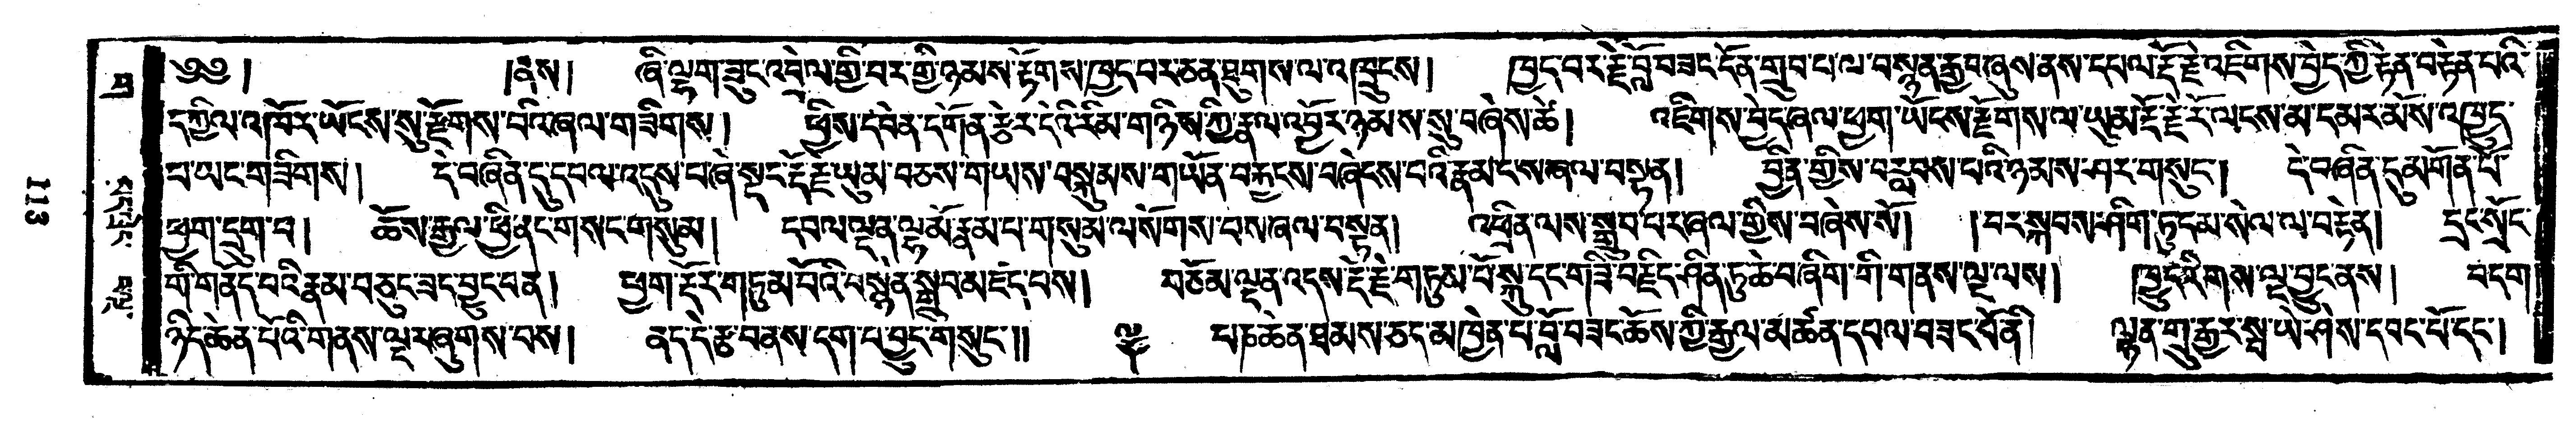༄༅། །ནས། ཞི་ལྷག་ཟུང་འབྲེལ་གྱི་བར་གྱི་ཉམས་རྟོགས་ཁྱད་པར་ཅན་ཐུགས་ལ་འཁྲུངས། ཁྱད་པར་རྗེ་བློ་བཟང་དོན་གྲུབ་པ་ལ་བསྙན་རྒྱབ་ཞུས་ནས་དཔལ་རྡོ་རྗེ་འཇིགས་བྱེད་ཀྱི་རྟེན་བརྟེན་པའི་
དཀྱིལ་འཁོར་ཡོངས་སུ་རྫོགས་པའི་ཞལ་གཟིགས། ཕྱིས་དབེན་དགོན་རྩེར་དེའི་རིམ་གཉིས་ཀྱི་རྣལ་འབྱོར་ཉམས་སུ་བཞེས་ཚེ། འཇིགས་བྱེད་ཞལ་ཕྱག་ཡོངས་རྫོགས་ལ་ཡུམ་རྡོ་རྗེ་རོ་ལངས་མ་དམར་མོས་འཁྱུད་
པ་ཡང་གཟིགས། དེ་བཞིན་དུ་དཔལ་འདུས་པ་ཞེ་སྡང་རྡོ་རྗེ་ཡུམ་བཅས་གཡས་བསྐུམས་གཡོན་བརྐྱངས་བཞེངས་པའི་རྣམ་པས་ཞལ་བསྟན། བྱིན་གྱིས་བརླབས་པའི་ཉམས་ཤར་གསུང་། དེ་བཞིན་དུ་མགོན་པོ་
ཕྱག་དྲུག་པ། ཆོས་རྒྱལ་ཕྱི་ནང་གསང་གསུམ། དཔལ་ལྡན་ལྷ་མོ་རྣམ་པ་གསུམ་ལ་སོགས་པས་ཞལ་བསྟན། འཕྲིན་ལས་སྒྲུབ་པར་ཞལ་གྱིས་བཞེས་སོ། །བར་སྐབས་ཤིག་ཏུ་དམ་སེལ་ལ་བརྟེན། དྲང་སྲོང་
གི་གནོད་པའི་རྣམ་པ་ཅུང་ཟད་བྱུང་པ་ན། ཕྱག་རྡོར་གཏུམ་པོའི་བསྙེན་སྒྲུབ་མཛད་པས། བཅོམ་ལྡན་འདས་རྡོ་རྗེ་གཏུམ་པོ་སྐུ་དང་གཟི་བརྗིད་ཤིན་ཏུ་ཆེ་བ་ཞིག་གི་གནས་ལྔ་ལས། ཁྱུད་རིགས་ལྔ་བྱུང་ནས། བདག་
ཉིད་ཆེན་པོའི་གནས་ལྔར་ཞུགས་པས། ནད་དེ་རྩ་བ་ནས་དག་པ་བྱུང་གསུང།། ༈ པཎ་ཆེན་ཐམས་ཅད་མཁྱེན་པ་བློ་བཟང་ཆོས་ཀྱི་རྒྱལ་མཚན་དཔལ་བཟང་པོ་ནི། ལྷན་གྲུ་རྒྱར་སྦ་ཡེ་ཤེས་དབང་པོ་དང་། །